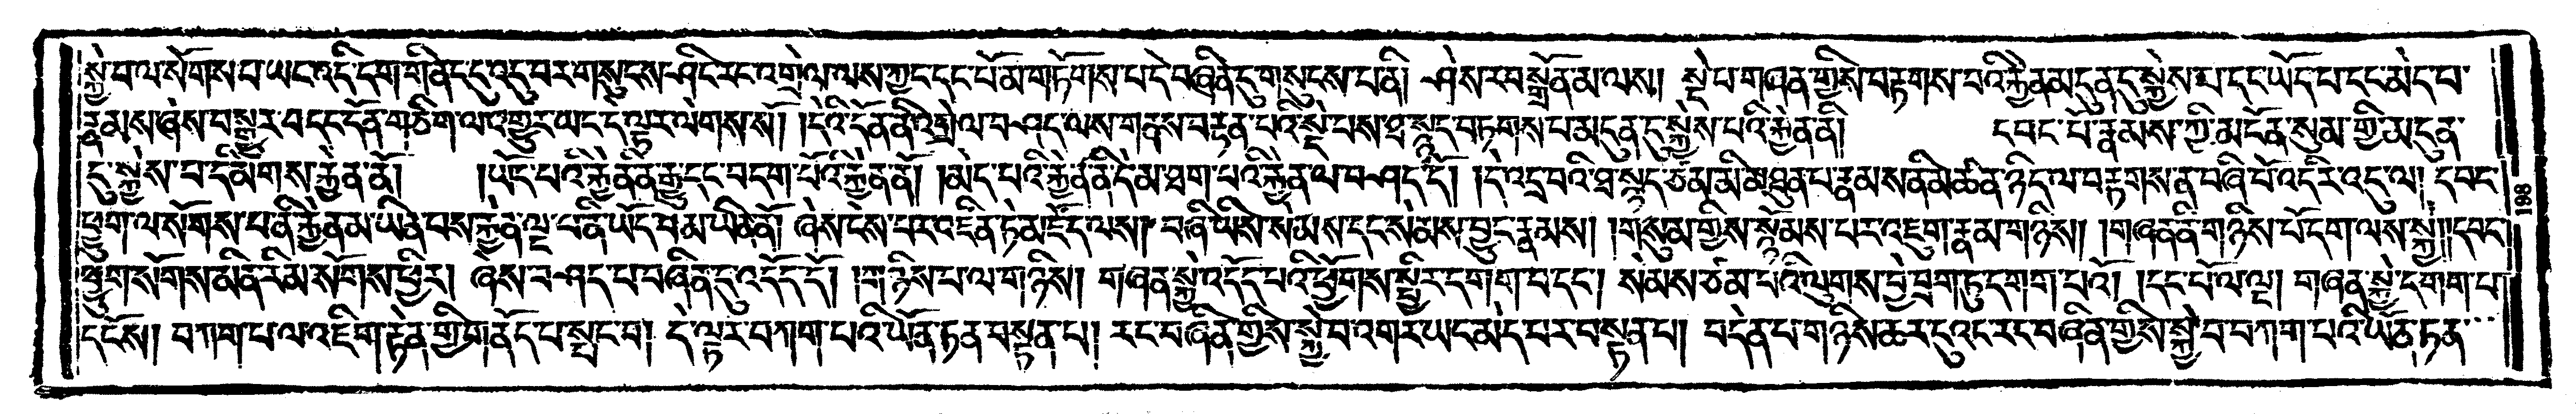སྐྱེ་བ་ལ་སོགས་པ་ཡང་འདི་དག་གི་ནང་དུ་འདུ་བར་གསུངས་ཤིང་རང་འགྲེལ་ལས་ཀྱང་དང་པོ་མ་གཏོགས་པ་དེ་བཞིན་དུ་གསུངས་པ་ནི། ཤེས་རབ་སྒྲོན་མ་ལས། སྡེ་པ་གཞན་གྱིས་བརྟགས་པའི་རྐྱེན་མདུན་དུ་སྐྱེས་པ་དང་ཡོད་པ་དང་མེད་པ་
རྣམས་ཞེས་བསྒྱུར་བ་དང་དོན་གཅིག་ལ་འགྱུར་ཡང་དེ་ལྟར་ལེགས་སོ། །དེའི་དོན་ནི་འགྲེལ་བཤད་ལས་གནས་བརྟན་པའི་སྡེ་པས་ཐ་སྙད་བཏགས་པ་མདུན་དུ་སྐྱེས་པའི་རྐྱེན་ནི། དབང་པོ་རྣམས་ཀྱི་མངོན་སུམ་གྱི་མདུན་
དུ་སྐྱེས་པ་དམིགས་རྐྱེན་ནོ། །ཡོད་པའི་རྐྱེན་ནི་རྒྱུ་དང་བདག་པོའི་རྐྱེན་ནོ། །མེད་པའི་རྐྱེན་ནི་དེ་མ་ཐག་པའི་རྐྱེན་ལ་བཤད་དོ། །དེ་འདྲ་བའི་ཐ་སྙད་ཙམ་མི་མཐུན་པ་རྣམས་ནི་མཚན་ཉིད་ལ་བརྟགས་ན་བཞི་པོ་འདིར་འདུ་ལ། དབང་
ཕྱུག་ལ་སོགས་པ་ནི་རྐྱེན་མ་ཡིན་པས་རྐྱེན་ལྔ་པ་ནི་ཡོད་པ་མ་ཡིན་ནོ། །ཞེས་ངེས་པར་འཛིན་ཏེ་མཛོད་ལས། བཞི་ཡིས་སེམས་དང་སེམས་བྱུང་རྣམས། །གསུམ་གྱིས་སྙོམས་པར་འཇུག་རྣམ་གཉིས། །གཞན་ནི་གཉིས་པོ་དག་ལས་སྐྱེ། །དབང་
ཕྱུག་སོགས་མིན་རིམ་སོགས་ཕྱིར། ཞེས་བཤད་པ་བཞིན་དུ་འདོད་དོ། །གཉིས་པ་ལ་གཉིས། གཞན་སྐྱེ་འདོད་པའི་ཕྱོགས་སྤྱིར་དགག་པ་དང་། སེམས་ཙམ་པའི་ལུགས་བྱེ་བྲག་ཏུ་དགག་པའོ། །དང་པོ་ལ་ལྔ། གཞན་སྐྱེ་དགག་པ་
དངོས། བཀག་པ་ལ་འཇིག་རྟེན་གྱི་གནོད་པ་སྤང་བ། དེ་ལྟར་བཀག་པའི་ཡོན་ཏན་བསྟན་པ། རང་བཞིན་གྱིས་སྐྱེ་བ་འགར་ཡང་མེད་པར་བསྟན་པ། བདེན་པ་གཉིས་ཆར་དུའང་རང་བཞིན་གྱིས་སྐྱེ་བ་བཀག་པའི་ཡོན་ཏན་